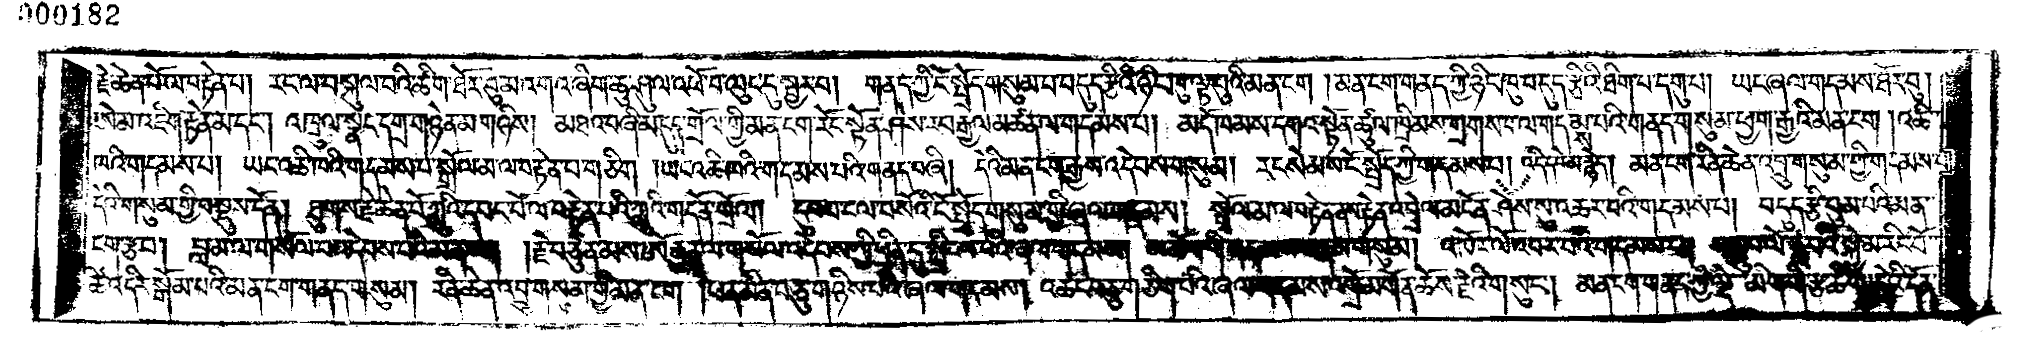རྗེ་ཆེན་པོ་ལ་བརྟེན་པ། རང་ལ་བསྐུལ་བའི་ཚིག་ཐོར་བུམ་འགའ་ཞིག་ཆུ་ཤུལ་འཕོ་བ་ལུང་དུ་སྦྱར་བ། གནད་ཀྱི་ངོ་སྤྲོད་གསུམ་པ་བདུད་རྩིའི་ཉིང་ཁུ་ལྟ་བུའི་མན་ངག །མན་ངག་གནད་ཀྱི་ཉིང་ཁུ་བདུད་རྩིའི་ཐིག་པ་དགུ་པ། ཡང་ཞལ་གདམས་ཐོར་བུ།
ཨེམ་འཇིག་རྟེན་མ་དང་། འཁྲུལ་སྣང་དགྲ་གཉེན་མ་གཉིས། མཐའ་བཞི་མ་དུད་གྲོལ་གྱི་མན་ངག་རོང་སྟོན་ཤེས་རབ་རྒྱལ་མཚན་ལ་གདམས་པ། མདོ་ཁམས་དགའ་སྟོན་ཚུལ་ཁྲིམས་གྲགས་པ་ལ་གདམས་པའི་གནད་གསུམ་ཕྱག་རྒྱའི་མན་ངག །འཆི་
ཁའི་གདམས་པ། ཡང་འཆི་ཁའི་གདམས་པ་སྒྲོལ་མ་ལ་བརྟེན་པ་གཅིག །ཡང་འཆི་ཁའི་གདམས་པའི་གནད་བཞི། དེའི་མན་ངག་རྒྱས་འདེབས་གསུམ། རང་སེམས་ངོ་སྤྲོད་ཀྱི་གདམས་པ། འདི་དཔེ་མ་རྙེད།  མན་ངག་རིན་ཆེན་འབྲུ་གསུམ་གྱི་གདམས་པ་
དེའི་གསུམ་གྱི་བསྡུས་དོན། ཐུགས་རྗེ་ཆེན་པོ་ཀླུའི་དབང་པོ་ལ་བརྟེན་པའི་ཀླུའི་གདོན་གྲོལ། དུབ་པ་ངལ་བསོའི་ངོ་སྤྲོད་གསུམ་གྱི་ཞལ་གདམས། སྒྲོལ་མ་ལ་བརྟེན་ནས་རྟེན་འབྲེལ་མངོན་ཤེས་སུ་འཆར་བའི་གདམས་པ། བདུད་རྩི་བུམ་པའི་མན་
ངག་རྩ་བ། བླ་མ་ལ་གསོལ་བ་འདེབས་པའི་མན་ངག །རྗེ་བཙུན་མས་ཨོ་རྒྱན་ལ་གསོལ་འདེབས་ཀྱི་ཕྲིན་དུ་སྤྲིངས་པའི་ཞལ་གདམས། མཆོག་གི་གདམས་པ་རྣམ་གསུམ། འཁོར་ལོ་འབར་བའི་གདམས་པ། བསྣུབ་ལོ་ཙཱ་བའི་སྐྱེ་མ་རིང་པོ་
ཚེ་འདིར་སྒོམ་པའི་མན་ངག་གནད་གསུམ། རིན་ཆེན་འབྲུ་གསུམ་གྱི་མན་ངག །ཕན་མིན་བཅུ་གཉིས་པའི་ཞལ་གདམས། འཚང་བཅུ་གཅིག་པའི་ཞལ་གདམས་འགྲོ་མགོན་ཆོས་རྗེའི་གསུང་། མན་ངག་གནད་ཀྱི་ལྡེ་མིག་གི་རྩ་ཚིག །དེའི་དོ་